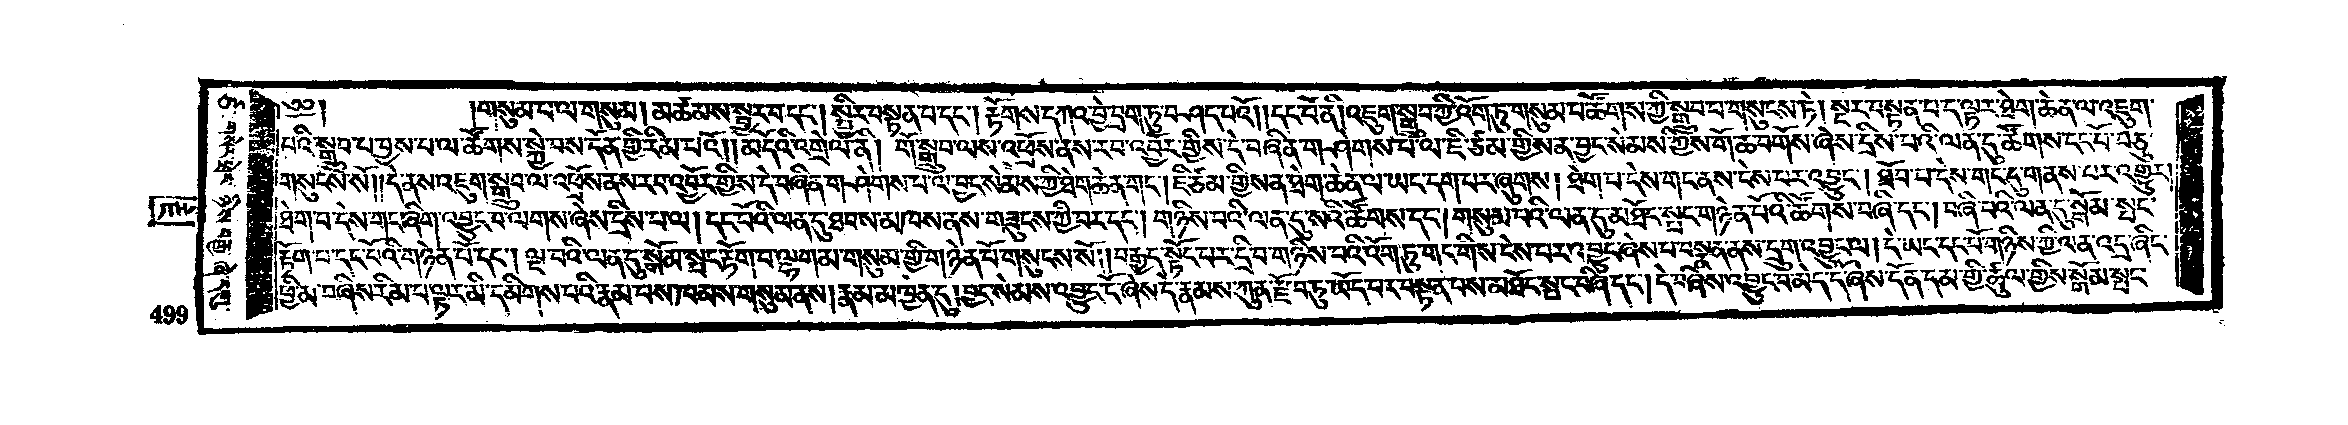༄༅། །གསུམ་པ་ལ་གསུམ། མཚམས་སྦྱར་བ་དང་། སྤྱིར་བསྟན་པ་དང་། རྟོགས་དཀའ་བྱེ་བྲག་ཏུ་བཤད་པའོ། །དང་པོ་ནི། འཇུག་སྒྲུབ་ཀྱི་འོག་ཏུ་གསུམ་པ་ཚོགས་ཀྱི་སྒྲུབ་པ་གསུངས་ཏེ། སྔར་བསྟན་པ་ད་ལྟར་ཐེག་ཆེན་ལ་འཇུག་
པའི་སྒྲུབ་པ་བྱས་པ་ལ་ཚོགས་སྐྱེ་བས་དོན་གྱི་རིམ་པའོ། །མདོའི་འགྲེལ་ནི། གོ་སྒྲུབ་ལས་འཕྲོས་ནས་རབ་འབྱོར་གྱིས་དེ་བཞིན་གཤེགས་པ་ལ་ཇི་ཙམ་གྱིས་ན་བྱང་སེམས་ཀྱིས་གོ་ཆ་བ་གོས་ཞེས་དྲིས་པའི་ལན་དུ་ཚོགས་དང་པོ་བཅུ་
གསུངས་སོ། །དེ་ནས་འཇུག་སྒྲུབ་ལ་འཕྲོས་ནས་རབ་འབྱོར་གྱིས་དེ་བཞིན་གཤེགས་པ་ལ་བྱང་སེམས་ཀྱི་ཐེག་ཆེན་གང་། ཇི་ཙམ་གྱིས་ན་ཐེག་ཆེན་ལ་ཡང་དག་པར་ཞུགས། ཐེག་པ་དེས་གང་ནས་ངེས་པར་འབྱུང་། ཐོབ་པ་དེས་གང་དུ་ངེས་པར་འབྱུང་། །ཐོབ་པ་དེས་གང་དུ་གནས་པར་འགྱུར།
ཐེག་པ་དེས་གང་ཞིག་འབྱུང་བ་ལགས་ཞེས་དྲིས་པ་ལ། དང་པོའི་ལན་དུ་ཐབས་མཁས་ནས་གཟུངས་ཀྱི་བར་དང་། གཉིས་པའི་ལན་དུ་སའི་ཚོགས་དང་། གསུམ་པའི་ལན་དུ་མཐོང་སྤང་གཉེན་པོའི་ཚོགས་བཞི་དང་། བཞི་པའི་ལན་དུ་སྒོམ་སྤང་
རྟོག་པ་དང་པོའི་གཉེན་པོ་དང་། ལྔ་པའི་ལན་དུ་སྒོམ་སྤང་རྟོག་པ་ལྷག་མ་གསུམ་གྱི་གཉེན་པོ་གསུངས་སོ། །བརྒྱད་སྟོང་པར་དྲི་བ་གཉིས་པའི་འོག་ཏུ་གང་གིས་ངེས་པར་འབྱུང་ཞེས་པ་བསྣན་ནས་དྲུག་འབྱུང་ལ། དེ་ཡང་དང་པོ་གཉིས་ཀྱི་ལན་འདྲ་ཞིང་
ཕྱི་མ་བཞིས་རིམ་པ་ལྟར་མི་དམིགས་པའི་རྣམ་པས་ཁམས་གསུམ་ནས། རྣམ་མཁྱེན་དུ། བྱང་སེམས་འབྱུང་ངོ་ཞེས་དེ་རྣམས་ཀུན་རྫོབ་ཏུ་ཡོད་པར་བསྟན་པས་མཐོང་སྤང་བཞི་དང་། དེ་བཞིས་འབྱུང་བ་མེད་དོ་ཞེས་དོན་དམ་གྱི་ཚུལ་གྱིས་སྒོམ་སྤང་